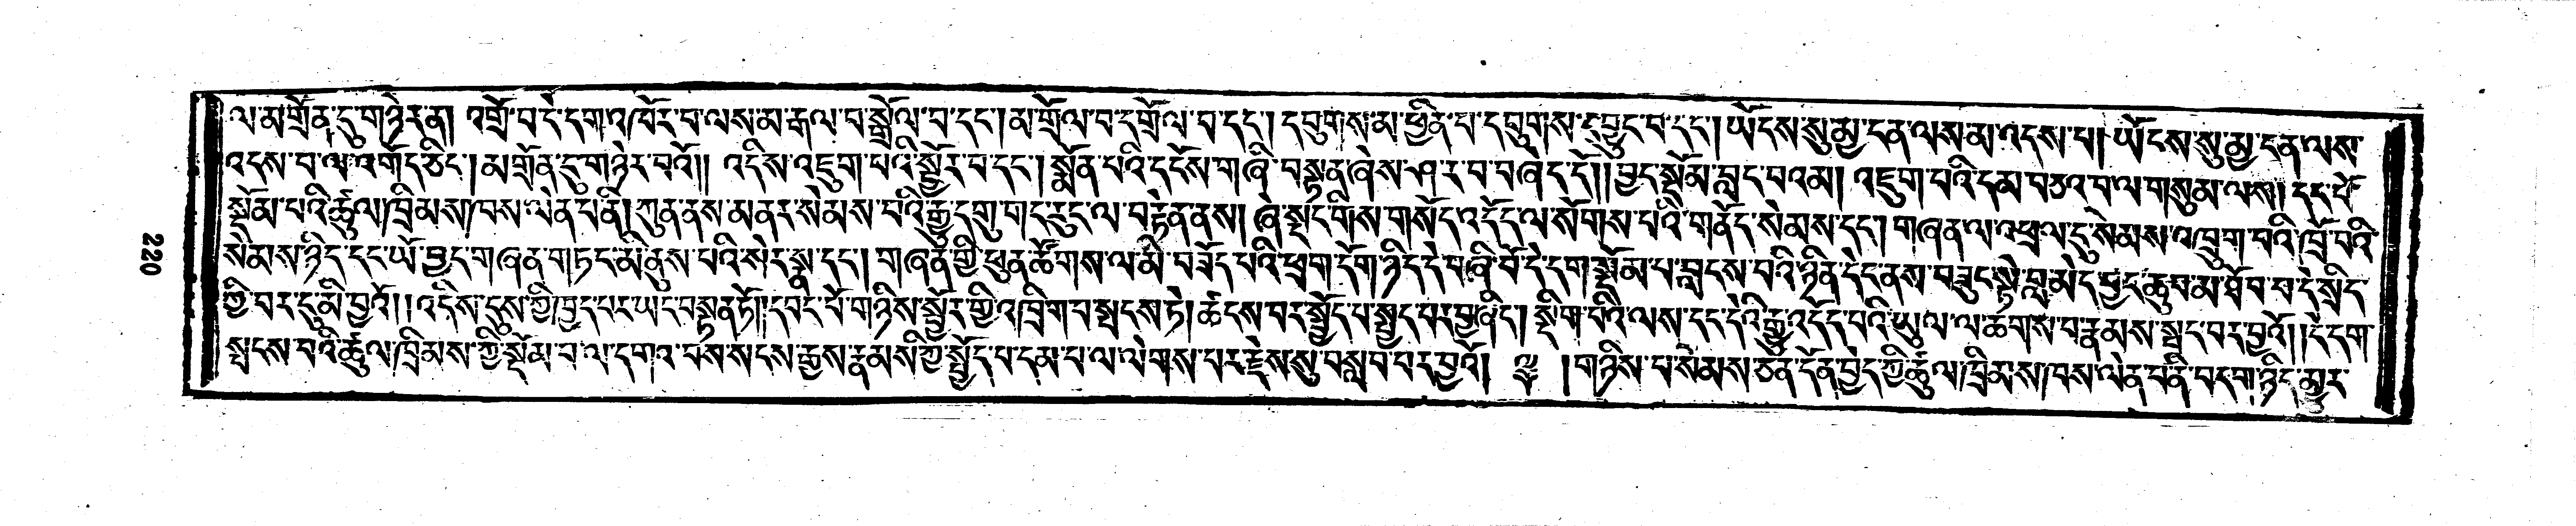ལ་མགྲོན་དུ་གཉེར་ན། འགྲོ་བ་དེ་དག་འཁོར་བ་ལས་མ་རྒལ་བ་སྒྲོལ་བ་དང་། མ་གྲོལ་བ་དགྲོལ་བ་དང་། དབུགས་མ་ཕྱིན་པ་དབུགས་དབྱུང་བ་དང་། ཡོངས་སུ་མྱ་ངན་ལས་མ་འདས་པ། ཡོངས་སུ་མྱ་ངན་ལས་
འདས་པ་ལ་འགོད་ཅིང་། མགྲོན་དུ་གཉེར་བའོ། །འདིས་འཇུག་པའི་སྦྱོར་བ་དང་། སྨོན་པའི་དངོས་གཞི་བསྟན་ཞེས་ཤ་ར་བ་བཞེད་དོ། །བྱང་སྡོམ་བླང་བའམ། འཇུག་པའི་དམ་བཅའ་བ་ལ་གསུམ་ལས། དང་པོ་
སྡོམ་པའི་ཚུལ་ཁྲིམས་ཁས་ལེན་པ་ནི། ཀུན་ནས་མནར་སེམས་པའི་རྒྱུ་དགུ་གང་རུང་ལ་བརྟེན་ནས། ཞེ་སྡང་གིས་གསོད་འདོད་ལ་སོགས་པའི་གནོད་སེམས་དང་། གཞན་ལ་འཕྲལ་དུ་སེམས་འཁྲུག་པའི་ཁྲོ་བའི་
སེམས་ཉིད་དང་ཡོ་བྱད་གཞན་གཏང་མི་ནུས་པའི་སེར་སྣ་དང་། གཞན་གྱི་ཕུན་ཚོགས་ལ་མི་བཟོད་པའི་ཕྲག་དོག་ཉིད་དེ་བཞི་པོ་དེ་དག་སྡོམ་པ་བླངས་པའི་ཉིན་དེང་ནས་བཟུང་སྟེ་བླ་མེད་བྱང་ཆུབ་མ་ཐོབ་པ་དེ་སྲིད་
ཀྱི་བར་དུ་མི་བྱའོ། །འདིས་དུས་ཀྱི་ཁྱད་པར་ཡང་བསྟན་ཏོ། །དབང་པོ་གཉིས་སྦྱོར་གྱི་འཁྲིག་པ་སྤངས་ཏེ། ཚངས་པར་སྤྱོད་པ་སྤྱད་པར་བྱ་ཞིང་། སྡིག་པའི་ལས་དང་དེའི་རྒྱུ་འདོད་པའི་ཡུལ་ལ་ཆགས་པ་རྣམས་སྤང་བར་བྱའོ། །དེ་དག་
སྤངས་པའི་ཚུལ་ཁྲིམས་ཀྱི་སྡོམ་པ་ལ་དགའ་བས་སངས་རྒྱས་རྣམས་ཀྱི་སྤྱོད་པ་དམ་པ་ལ་ལེགས་པར་རྗེས་སུ་བསླབ་པར་བྱའོ། ༈ །གཉིས་པ་སེམས་ཅན་དོན་བྱེད་ཀྱི་ཚུལ་ཁྲིམས་ཁས་ལེན་པ་ནི་བདག་ཉིད་མྱུར་